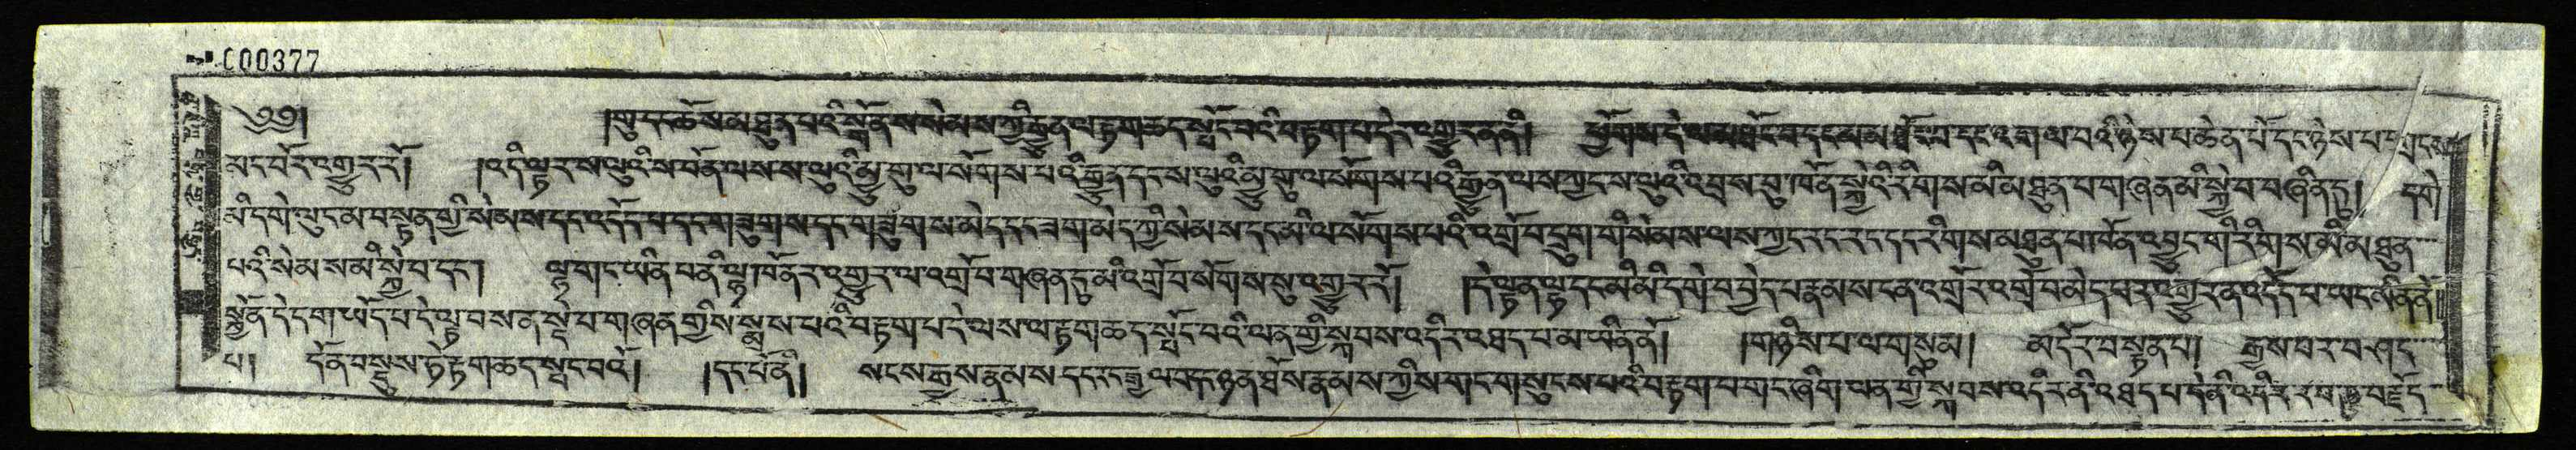༄༅། །གུ་དང་ཆོས་མཐུན་པའི་སྒོ་ནས་སེམས་ཀྱི་རྒྱུན་ལ་རྟག་ཆད་སྤོང་བའི་བརྟག་པ་དེར་འགྱུར་ན་ནི། ཕྱོགས་དེ་ལ་མཐོང་བ་དང་མ་མཐོང་བ་དང་འགལ་བའི་ཉེས་པ་ཆེན་པོ་དང་ཉེས་པ་གྲངས་
མང་པོར་འགྱུར་རོ། །འདི་ལྟར་ས་ལུའི་ས་བོན་ལས་ས་ལུའི་མྱུ་གུ་ལ་སོགས་པའི་རྒྱུན་དང་ས་ལུའི་མྱུ་གུ་ལ་སོགས་པའི་རྒྱུན་ལས་ཀྱང་ས་ལུའི་འབྲས་བུ་ཁོ་ན་སྐྱེའི་རིགས་མི་མཐུན་པ་གཞན་མི་སྐྱེ་བ་བཞིན་དུ། དགེ་
མི་དགེ་ལུང་མ་བསྟན་གྱི་སེམས་དང་འདོད་པ་དང་གཟུགས་དང་གཟུགས་མེད་དང་ཟག་མེད་ཀྱི་སེམས་དང་མི་ལ་སོགས་པའི་འགྲོ་བ་དྲུག་གི་སེམས་ལས་ཀྱང་རང་རང་དང་རིགས་མཐུན་པ་ཁོ་ན་འབྱུང་གི་རིགས་མི་མཐུན་
པའི་སེམས་མི་སྐྱེ་བ་དང་། ལྷ་གང་ཡིན་པ་ནི་ལྷ་ཁོ་ནར་འགྱུར་ལ་འགྲོ་བ་གཞན་དུ་མི་འགྲོ་བ་སོགས་སུ་འགྱུར་རོ། །དེ་ལྟ་ན་ལྷ་དང་མི་མི་དགེ་བ་བྱེད་པ་རྣམས་ངན་འགྲོར་འགྲོ་བ་མེད་པར་འགྱུར་ན་འདོད་པ་ཡང་མིན་ནོ།།
སྐྱོན་དེ་དག་ཡོད་པ་དེ་ལྟ་བས་ན་སྡེ་པ་གཞན་གྱིས་སྨྲས་པའི་བརྟག་པ་དེ་ལས་ལ་རྟག་ཆད་སྤོང་བའི་ལན་གྱི་སྐབས་འདིར་འཐད་པ་མ་ཡིན་ནོ། །གཉིས་པ་ལ་གསུམ། མདོར་བསྟན་པ། རྒྱས་པར་བཤད་
པ༑ དོན་བསྡུས་ཏེ་རྟག་ཆད་སྤང་བའོ། །དང་པོ་ནི། སངས་རྒྱས་རྣམས་དང་རང་རྒྱལ་བ་དང་ཉན་ཐོས་རྣམས་ཀྱིས་གང་གསུངས་པའི་བརྟག་པ་གང་ཞིག་ལན་གྱི་སྐབས་འདིར་ནི་འཐད་པ་དེ་ནི་འདིར་རབ་ཏུ་བརྗོད་